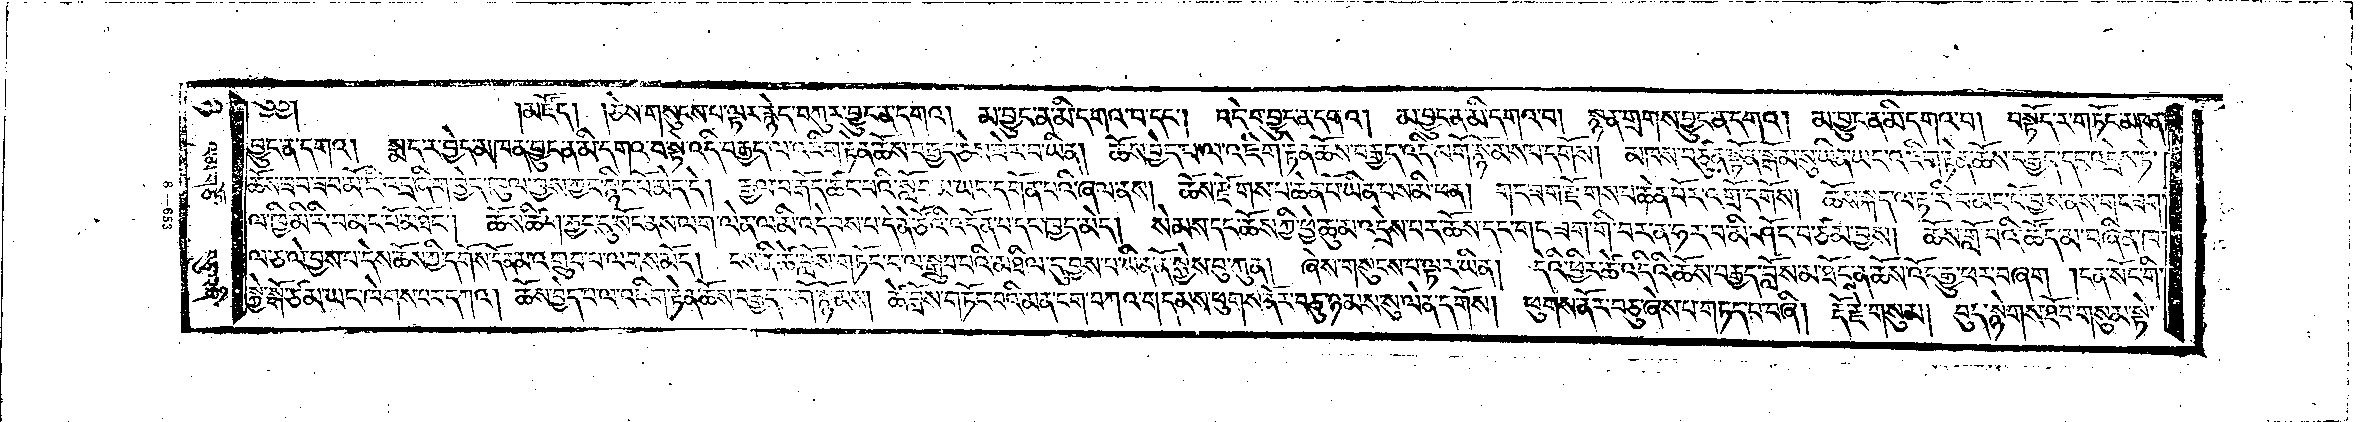༄༅། །མཛོད། །ཅེས་གསུངས་པ་ལྟར་རྙེད་བཀུར་བྱུང་ན་དགའ། མ་བྱུང་ན་མི་དགའ་བ་དང་། བདེ་བ་བྱུང་ན་དགའ། མ་བྱུང་ན་མི་དགའ་བ། སྙན་གྲགས་བྱུང་ན་དགའ། མ་བྱུང་ན་མི་དགའ་བ། བསྟོད་ར་གཏོང་མཁན་
བྱུང་ན་དགའ། སྨད་ར་བྱེད་མཁན་བྱུང་ན་མི་དགའ་བ་སྟེ་འདི་བརྒྱད་ལ་འཇིག་རྟེན་ཆོས་བརྒྱད་ཅེས་ཟེར་བ་ཡིན། ཆོས་བྱེད་པ་ལ་འཇིག་རྟེན་ཆོས་བརྒྱད་འདི་མགོ་སྙོམས་པ་དགོས། མཁས་བཙུན་སྟོན་སྒོམ་སུ་ཡིན་ཡང་འཇིག་རྟེན་ཆོས་བརྒྱད་དང་འདྲེས་ཏེ་
ཆོས་ཟབ་ཟབ་མོ་ཇི་འདྲ་ཞིག་བྱེད་ཁུལ་བྱས་ཀྱང་སྙིང་པོ་མེད་དེ། རྒྱལ་བ་རྒོད་ཚང་པའི་སློབ་མ་ཡང་དགོན་པའི་ཞལ་ནས། ཆོས་རྫོགས་པ་ཆེན་པོ་ཡིན་པས་མི་ཕན། གང་ཟག་རྫོགས་པ་ཆེན་པོར་འགྲོ་དགོས། ཆོས་སྐད་ལ་རྟ་རི་བ་མང་པོ་བྱས་ནས་གང་ཟག་
ལ་ཁྱི་མི་རི་བ་མང་པོ་མཐོང་། ཆོས་ཚིག་རྐྱང་དུ་སོང་ནས་ལག་ལེན་ལ་མི་འདེབས་པ་དེ་ནེ་ཙོའི་འདོན་པ་དང་ཁྱད་མེད། སེམས་དང་ཆོས་ཀྱི་ཕྱེ་ཆུ་མ་འདྲེས་པར་ཆོས་དང་གང་ཟག་གི་བར་ན་ཧར་བ་མི་ཤོང་བ་ཙམ་བྱས། ཆོས་གློ་བའི་ཚོད་མ་བཞིན་ཁ་
ལ་ཅ་ལེ་བྱས་པ་དེས་ཆོས་ཀྱི་དགོས་དོན་མ་འགྲུབ་པ་ལགས་མོད། ངས་ནི་ཚེ་བློས་གཏོང་བ་ལ་སྒྲུབ་བའི་མཐིལ་དུ་བྱས་པ་ཡིན་ནོ་སྐྱེས་བུ་ཀུན། ཞེས་གསུངས་པ་ལྟར་ཡིན། དེའི་ཕྱིར་ཚེ་འདིའི་ཆོས་བརྒྱད་བློས་མ་ཐོངས་ན་ཆོས་འོང་རྒྱུ་ཕར་བཞག །ངན་སོང་གི་
སྐྱེ་སྒོ་ཙམ་ཡང་ཁེགས་པར་དཀའ། ཆོས་བྱེད་པ་ལ་འཇིག་རྟེན་ཆོས་བརྒྱད་མགོ་སྙོམས། ཚེ་བློས་གཏོང་བའི་མན་ངག་བཀའ་གདམས་ཕུགས་ནོར་བཅུ་ཉམས་སུ་ལེན་དགོས། ཕུགས་ནོར་བཅུ་ཞེས་པ་གཏད་པ་བཞི། རྡོ་རྗེ་གསུམ། བུད་སྙེགས་ཐོབ་གསུམ་སྟེ་